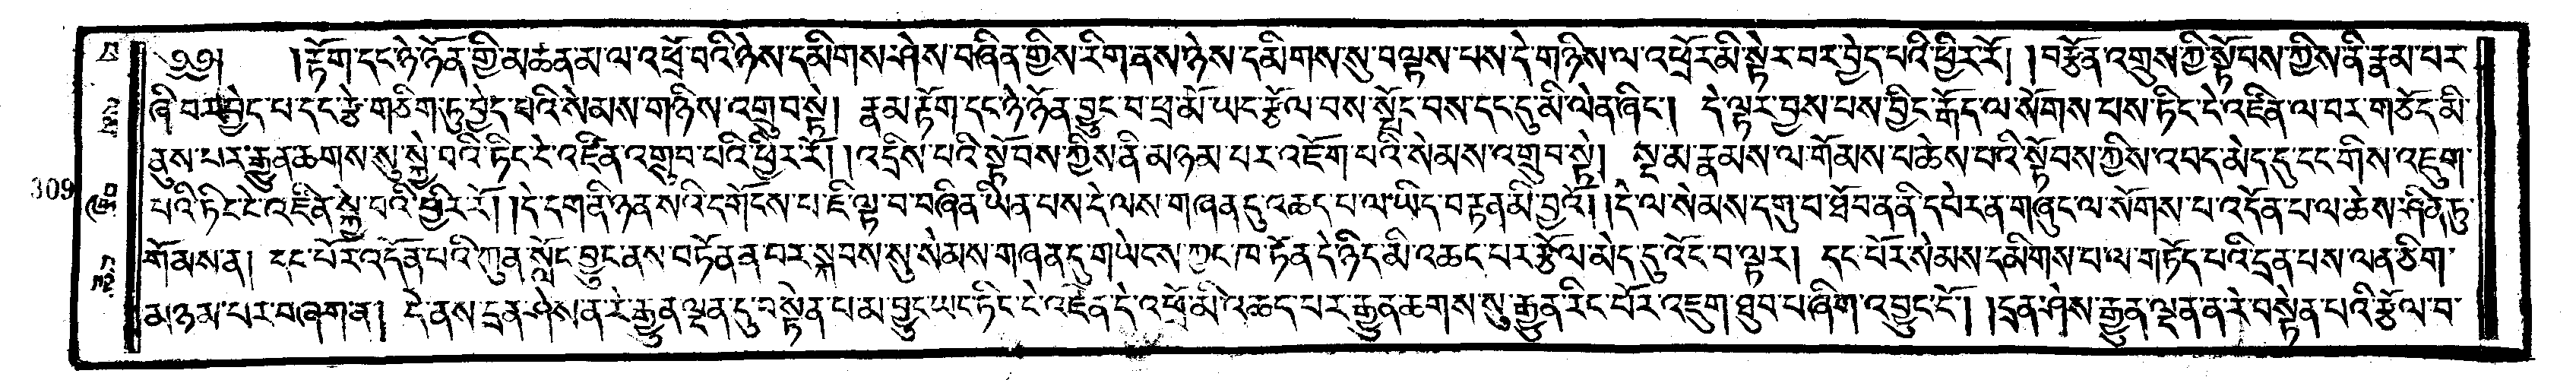༄༅། །རྟོག་དང་ཉེ་ཉོན་གྱི་མཚན་མ་ལ་འཕྲོ་བའི་ཉེས་དམིགས་ཤེས་བཞིན་གྱིས་རིག་ནས་ཉེས་དམིགས་སུ་བལྟས་པས་དེ་གཉིས་ལ་འཕྲོར་མི་སྟེར་བར་བྱེད་པའི་ཕྱིར་རོ། །བརྩོན་འགྲུས་ཀྱི་སྟོབས་ཀྱིས་ནི་རྣམ་པར་
ཞི་བར་བྱེད་པ་དང་རྩེ་གཅིག་ཏུ་བྱེད་པའི་སེམས་གཉིས་འགྲུབ་སྟེ། རྣམ་རྟོག་དང་ཉེ་ཉོན་བྱུང་བ་ཕྲ་མོ་ཡང་རྩོལ་བས་སྤོང་བས་དང་དུ་མི་ལེན་ཞིང་། དེ་ལྟར་བྱས་པས་བྱིང་རྒོད་ལ་སོགས་པས་ཏིང་ངེ་འཛིན་ལ་བར་གཅོད་མི་
ནུས་པར་རྒྱུན་ཆགས་སུ་སྐྱེ་བའི་ཏིང་ངེ་འཛིན་འགྲུབ་པའི་ཕྱིར་རོ། །འདྲིས་པའི་སྟོབས་ཀྱིས་ནི་མཉམ་པར་འཇོག་པའི་སེམས་འགྲུབ་སྟེ། སྔ་མ་རྣམས་ལ་གོམས་པ་ཆེས་པའི་སྟོབས་ཀྱིས་འབད་མེད་དུ་ངང་གིས་འཇུག་
པའི་ཏིང་ངེ་འཛིན་སྐྱེ་བའི་བྱིར་རོ། །དེ་དག་ནི་ཉན་སའི་དགོངས་པ་ཇི་ལྟ་བ་བཞིན་ཡིན་པས་དེ་ལས་གཞན་དུ་འཆད་པ་ལ་ཡིད་བརྟན་མི་བྱའོ། །དེ་ལ་སེམས་དགུ་པ་ཐོབ་ན་ནི་དཔེར་ན་གཞུང་ལ་སོགས་པ་འདོན་པ་ལ་ཆེས་ཤིན་ཏུ་
གོམས་ན། དང་པོར་འདོན་པའི་ཀུན་སློང་བྱུང་ནས་བཏོན་ན་བར་སྐབས་སུ་སེམས་གཞན་དུ་གཡེངས་ཀྱང་ཁ་ཏོན་དེ་ཉིད་མི་འཆད་པར་རྩོལ་མེད་དུ་འོང་བ་ལྟར། དང་པོར་སེམས་དམིགས་པ་ལ་གཏོད་པའི་དྲན་པས་ལན་ཅིག་
མཉམ་པར་བཞག་ན། དེ་ནས་དྲན་ཤེས་ན་རེ་རྒྱུན་ལྡན་དུ་བསྟེན་པ་མ་བྱུང་ཡང་ཏིང་ངེ་འཛིན་དེ་འཕྲོ་མི་འཆད་པར་རྒྱུན་ཆགས་སུ་རྒྱུན་རིང་པོར་འཇུག་ཐུབ་པ་ཞིག་འབྱུང་ངོ ། །དྲན་ཤེས་རྒྱུན་ལྡན་ན་རེ་བསྟེན་པའི་རྩོལ་བ་